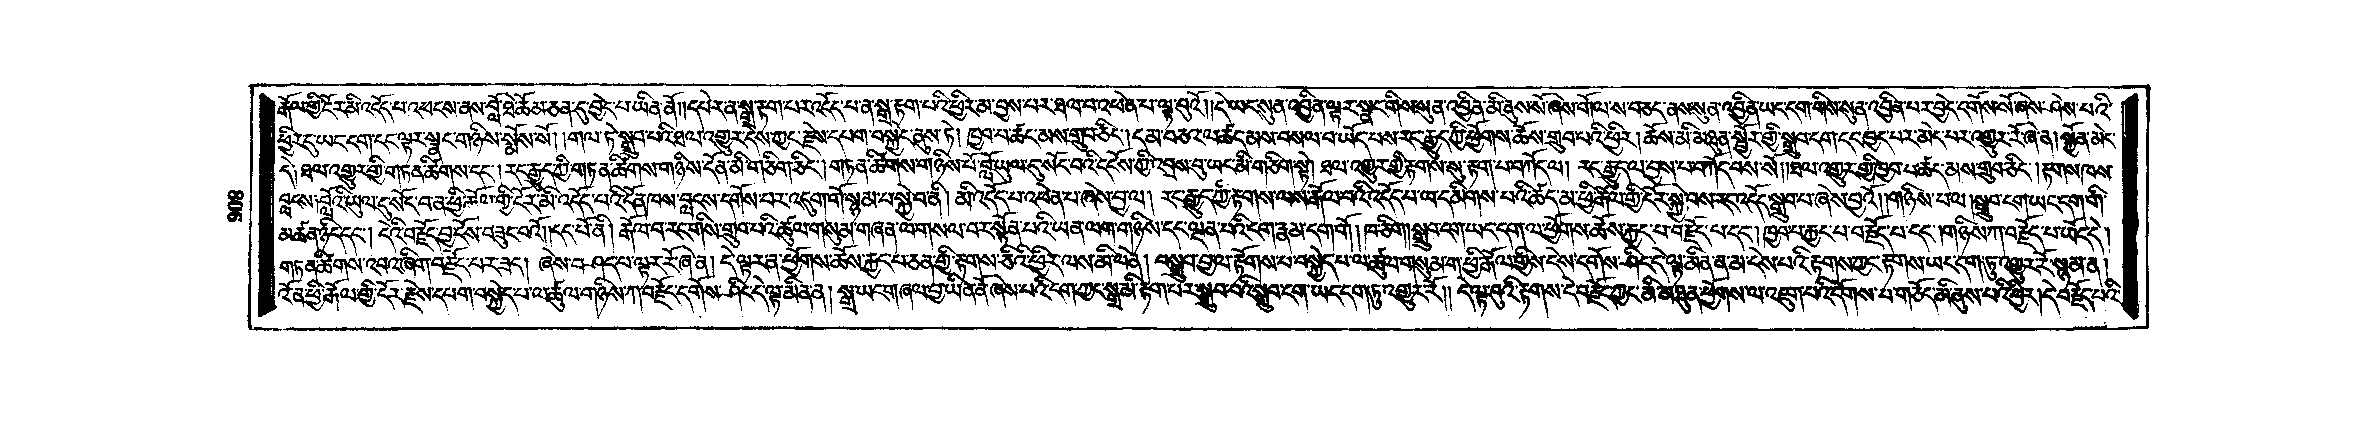རྒོལ་གྱི་ངོར་མི་འདོད་པ་འཕངས་ནས་བློ་ཐེ་ཚོམ་ཅན་དུ་བྱེད་པ་ཡིན་ནོ། །དཔེར་ན་སྒྲ་རྟག་པར་འདོད་པ་ན་སྒྲ་རྟག་པའི་ཕྱིར་མ་བྱས་པར་ཐལ་བ་འཕེན་པ་ལྟ་བུའོ། །དེ་ཡང་སུན་འབྱིན་ལྟར་སྣང་གིས་སུན་འབྱིན་མི་ནུས་སོ་ཞེས་གོལ་ས་བཅད་ནས་སུན་འབྱིན་ཡང་དག་གིས་སུན་འབྱིན་པར་བྱེད་དགོས་སོ་ཞེས་ཤེས་པའི་
ཕྱིར་དུ་ཡང་དག་དང་ལྟར་སྣང་གཉིས་སྨོས་སོ། །གལ་ཏེ་སྒྲུབ་པའི་ཐལ་འགྱུར་དེས་ཀྱང་རྗེས་དཔག་བསྐྱེད་ནུས་ཏེ། ཁྱབ་པ་ཚད་མས་གྲུབ་ཅིང་། དམ་བཅའ་ལ་ཚད་མས་བསལ་བ་ཡོད་པས་རང་རྒྱུད་ཀྱི་ཕྱོགས་ཆོས་གྲུབ་པའི་ཕྱིར། ཆོས་མི་མཐུན་སྦྱོར་གྱི་སྒྲུབ་དག་དང་ཁྱད་པར་མེད་པར་འགྱུར་རོ་ཞེ་ན། སྐྱོན་མེད་
དེ། ཐལ་འགྱུར་གྱི་གཏན་ཚིགས་དང་། རང་རྒྱུད་ཀྱི་གཏན་ཚིགས་གཉིས་དོན་མི་གཅིག་ཅིང་། གཏན་ཚིགས་གཉིས་པོ་བློ་ཡུལ་དུ་སོང་བའི་དངོས་ཀྱི་འབྲས་བུ་ཡང་མི་གཅིག་སྟེ། ཐལ་འགྱུར་གྱི་རྟགས་སུ་རྟག་པ་བཀོད་ལ། རང་རྒྱུད་ལ་བྱས་པ་བཀོད་པས་སོ། །ཐལ་འགྱུར་གྱི་ཁྱབ་པ་ཚད་མས་གྲུབ་ཅིང་། རྟགས་ཁས་
བླངས། བློའི་ཡུལ་དུ་སོང་བ་ན་ཕྱི་རྒོལ་གྱི་ངོར་མི་འདོད་པའི་དོན་ཁས་བླངས་དགོས་པར་འདུག་གོ་སྙམ་པ་སྐྱེ་བ་ནི། མི་འདོད་པ་འཕེན་པ་ཞེས་བྱ་ལ། རང་རྒྱུད་ཀྱི་རྟགས་ལས་རྒོལ་བའི་འདོད་པ་ལ་དམིགས་པའི་ཚད་མ་ཕྱི་རྒོལ་གྱི་ངོར་སྐྱེ་བས་རང་འདོད་སྒྲུབ་པ་ཞེས་བྱའོ། །གཉིས་པ་ལ། སྒྲུབ་ངག་ཡང་དག་གི་
མཚན་ཉིད་དང་། དེའི་བརྗོད་བྱ་ངོས་བཟུང་བའོ། །དང་པོ་ནི། རྒོལ་བ་རང་གིས་གྲུབ་པའི་ཚུལ་གསུམ་གཞན་ལ་གསལ་བར་སྟོན་པའི་ཡན་ལག་གཉིས་དང་ལྡན་པའི་ངག་རྣམ་དག་གོ །ཁ་ཅིག །སྒྲུབ་ངག་ཡང་དག་ལ་ཕྱོགས་ཆོས་རྐྱང་པ་བརྗོད་པ་དང་། ཁྱབ་པ་རྐྱང་པ་བརྗོད་པ་དང་། གཉིས་ཀ་བརྗོད་པ་ཡོད་དེ།
གཏན་ཚིགས་འབའ་ཞིག་བརྗོད་པར་ཟད། ཞེས་བཤད་པ་ལྟར་རོ་ཞེ་ན། དེ་ལྟར་ན་ཕྱོགས་ཆོས་རྐྱང་པ་ཅན་གྱི་རྟགས་ཅིའི་ཕྱིར་ལས་མི་ལེན། བསྒྲུབ་བྱ་ལ་རྟོགས་པ་བསྐྱེད་པ་ལ་ཚུལ་གསུམ་ག་ཕྱི་རྒོལ་གྱིས་ངེས་དགོས་ཤིང་དེ་ལྟ་མིན་ན་མ་ངེས་པའི་རྟགས་ཀྱང་རྟགས་ཡང་དག་ཏུ་འགྱུར་རོ་སྙམ་ན།
འོ་ན་ཕྱི་རྒོལ་གྱི་ངོར་རྗེས་དཔག་བསྐྱེད་པ་ལ་ཚུལ་གཉིས་ཀ་བརྗོད་དགོས་ཤིང་དེ་ལྟ་མིན་ན། སྒྲ་ཡང་གཞལ་བྱ་ཡིན་ནོ་ཞེས་པའི་དག་ཀྱང་སྒྲ་མི་རྟག་པར་སྒྲུབ་པའི་སྒྲུབ་དག་ཡང་དག་ཏུ་འགྱུར་རོ། །དེ་ལྟ་བུའི་རྟགས་དེ་བརྗོད་ཀྱང་མི་མཐུན་ཕྱོགས་ལ་འཇུག་པའི་དོགས་པ་གཅོད་མི་ནུས་པའི་ཕྱིར། དེ་བརྗོད་པའི་